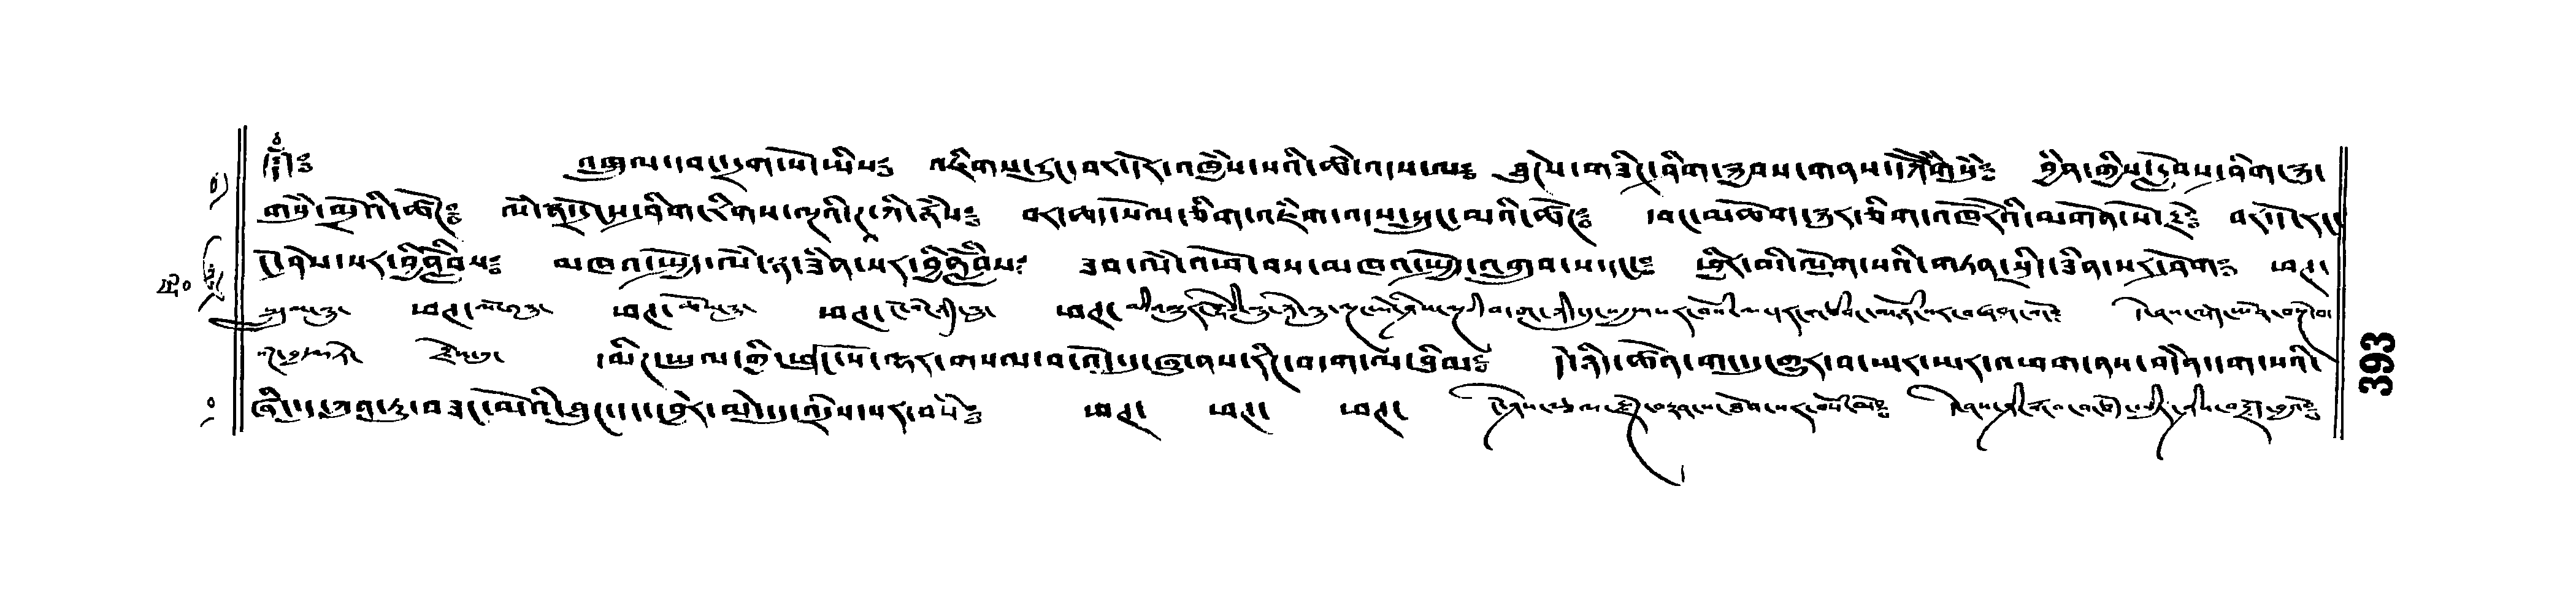འཁྲུལ་དབང་དྲག་པོ་ཡིས༔ འཇིགས་རུང་བར་དོར་འཁྱམས་པའི་ཚེ་འདས་ལ༔ ཐུགས་རྗེས་གཟིགས་ཤིག་སྐྱབས་གནས་དཀོན་མཆོག་གསུམ༔ བྱིན་གྱིས་རློབས་ཤིག་སྐུ་
གསུམ་མཁའ་འགྲོའི་ཚོགས༔ ལམ་སྣ་དྲོངས་ཤིག་རིགས་ལྔའི་ཌཱ་ཀི་རྣམས༔ བར་ཆད་སོལ་ཅིག་འཇིག་འདས་སྲུང་མའི་ཚོགས༔ དབང་མཆོག་སྐུར་ཅིག་འཁོར་ལོའི་མགོན་པོ་རྗེ༔ བར་དོ་རང་
ངོ་ཤེས་པར་བྱིན་གྱིས་རློབས༔མཁའ་སྤྱོད་ལམ་སྣ་ཟིན་པར་བྱིན་གྱིས་རློབས༔ ཟབ་ལམ་འཕོ་བས་མཁའ་སྤྱོད་འགྲུབ་པ་དང༔ ཕྱིར་མི་ལྡོག་པའི་གཏན་སྲིད་ཟིན་པར་ཤོག༔ ཕཊཿ
སྤྲུལ་སྐུ། ཕཊཿལོངས་སྐུ། ཕཊཿཆོས་སྐུ། ཕཊཿངོ་བོ་ཉིད་སྐུ། ཕཊཿམི་འགྱུར་རྡོ་རྗེའི་སྐུ་སྟེ་སྐུ་ལྔ་ཡེ་ཤེས་ལྔའི་བདག་ཉིད་དུ་སངས་རྒྱས་པར་བསམ་ལ་དར་གཅིག་མཉམ་པར་བཞག་གོ༔ དེ་ནས་འདོད་ཡོན་བསྔོ་བ་
སོགས་བྱས་ཏེ༔ རྗེས་སུ༔ དམིགས་ཡུལ་གྱི་ཕུང་པོ་ལྷར་གསལ་འོད་དུ་ཞུ་ནས་རིགས་བདག་ལ་ཐིམ༔ དེ་ཉིད་ཚོན་གང་དུ་གྱུར་བ་ཡར་ཡར་འཕག་ནས་བདེ་ཆེན་དག་པའི་
ཞིང་དུ་ཀུན་ཏུ་བཟང་མོའི་ཐུགས་དང་དབྱེར་མེད་དུ་འདྲེས་པར་བསམ༔ ཕཊཿ ཕཊཿ ཕཊཿ ངོ་ཤེས་རྩལ་རྫོགས་བརྟན་པ་ཐོབ་པར་བསམ་མོ༔ དེ་ནས་ཤི་རྒབ་གཅོད་ཕྱིར་ཤིས་བརྗོད་བྱའོ༔